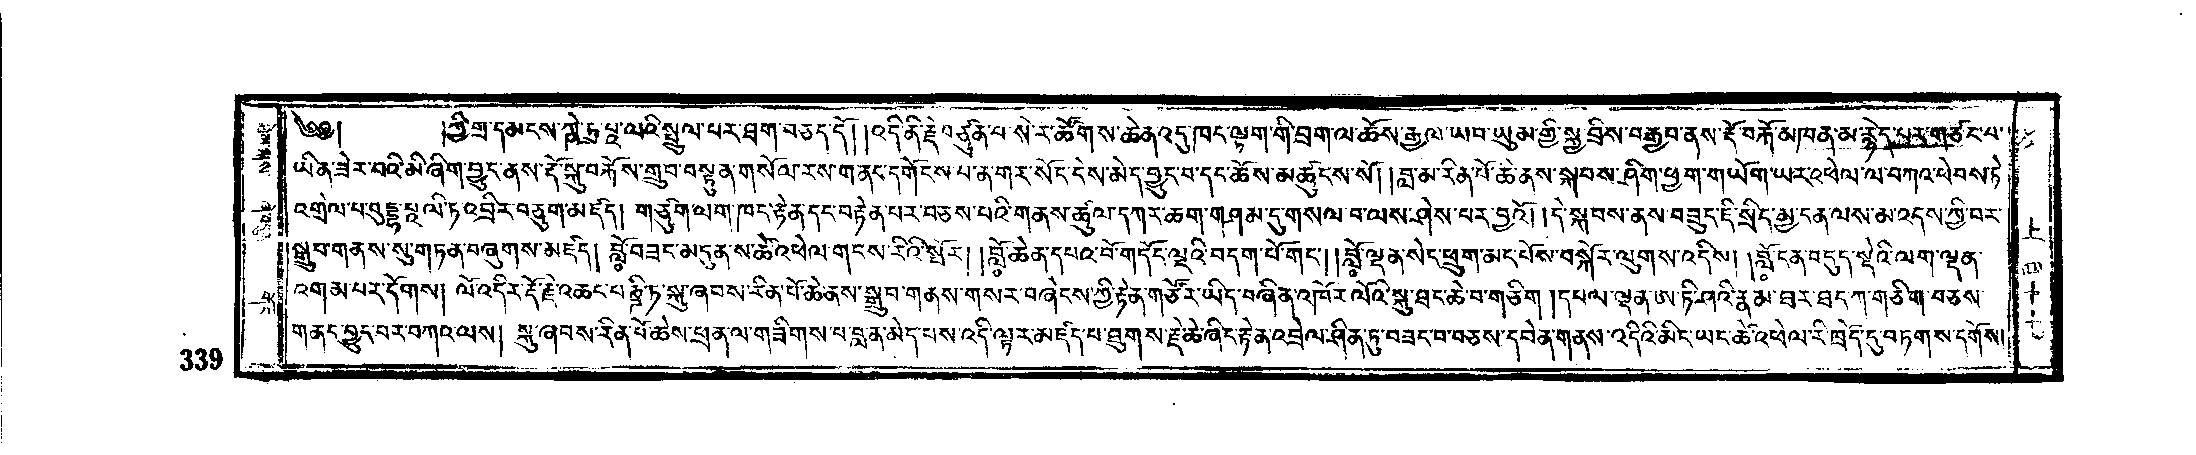༄༅། །ཀྱི་གྲ་དམངས་ཀྵེ་ཏྲ་པཱ་ལའི་སྤྲུལ་པར་ཐག་བཅད་དོ། །འདི་ནི་རྗེ་བཙུན་པ་སེ་ར་ཚོགས་ཆེན་འདུ་ཁང་ལྟག་གི་བྲག་ལ་ཆོས་རྒྱལ་ཡབ་ཡུམ་གྱི་སྐྱ་བྲིས་བརྒྱབ་ནས་རྡོ་བརྐོ་མཁན་མ་རྙེད་པར་གཙང་པ་
ཡིན་ཟེར་བའི་མི་ཞིག་བྱུང་ནས་རྡོ་སྐུ་བརྐོས་གྲུབ་བསྟུན་གསོལ་རས་གནང་དགོངས་པ་ན་གར་སོང་ངེས་མེད་བྱུང་བ་དང་ཆོས་མཚུངས་སོ། །བླ་མ་རིན་པོ་ཆེ་ནས་སྐབས་ཤིག་ཕྱག་གཡོག་ཡར་འཕེལ་ལ་བཀའ་ཕེབས་ཏེ་
འགྲེལ་པ་བུདྡྷ་པཱ་ལི་ཏ་འབྲིར་བཅུག་མཛད། གཙུག་ལག་ཁང་རྟེན་དང་བརྟེན་པར་བཅས་པའི་གནས་ཚུལ་དཀར་ཆག་གཤམ་དུ་གསལ་བ་ལས་ཤེས་པར་བྱའོ། །དེ་སྐབས་ནས་བཟུང་ཇི་སྲིད་མྱ་ངན་ལས་མ་འདས་ཀྱི་བར་
སྒྲུབ་གནས་སུ་གཏན་བཞུགས་མཛད། བློ྾་བཟང་མདུན་ས་ཚེ་འཕེལ་གངས་རིའི་སྤོར། །བློ྾་ཆེན་དཔའ་བོ་གདོང་ལྔའི་བདག་པོ་གང་། །བློ྾་ལྡན་སེང་ཕྲུག་མང་པོས་བསྐོར་ལུགས་འདིས། །བློ྾་ངན་བདུད་སྡེའི་ལག་ལྡན་
འགམ་པར་དོགས། ལོ་འདིར་རྡོ་རྗེ་འཆང་པཎྜི་ཏ་སྐུ་ཞབས་རིན་པོ་ཆེ་ནས་སྒྲུབ་གནས་གསར་བཞེངས་ཀྱི་རྟེན་གཙོར་ཡིད་བཞིན་འཁོར་ལོའི་སྐུ་ཐང་ཆེ་བ་གཅིག །དཔལ་ལྡན་ཨ་ཏི་ཤའི་རྣམ་ཐར་ཐད་ཀ་གཅིག་བཅས་
གནང་བྱུང་བར་བཀའ་ལས། སྐུ་ཞབས་རིན་པོ་ཆེས་ཕྲན་ལ་གཟིགས་པ་བླ་ན་མེད་པས་འདི་ལྟར་མཛད་པ་ཐུགས་རྗེ་ཆེ་ཞིང་རྟེན་འབྲེལ་ཤིན་ཏུ་བཟང་བ་བཅས་དབེན་གནས་འདིའི་མིང་ཡང་ཚེ་འཕེལ་རི་ཁྲོད་དུ་བཏགས་དགོས།